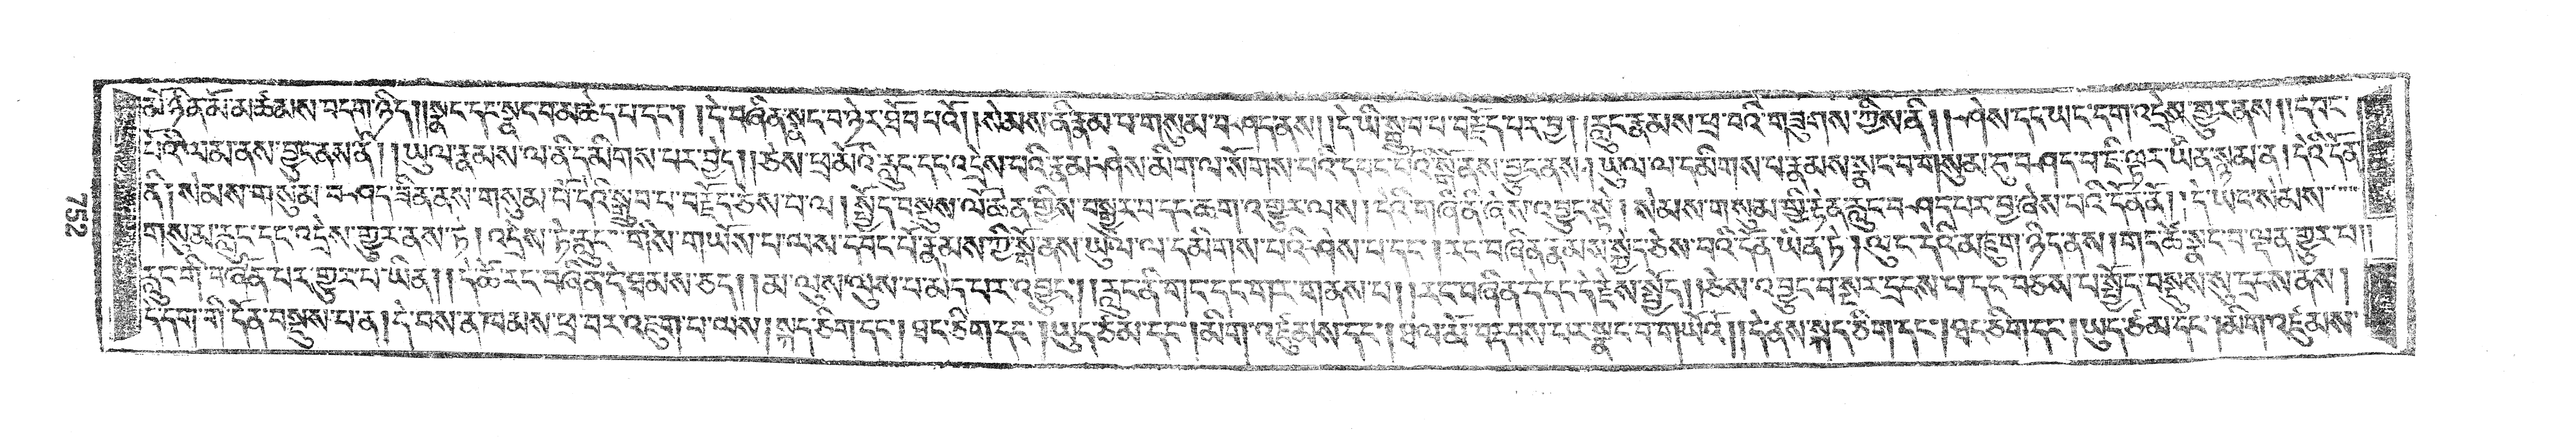མོ་ཉིན་མོ་མཚམས་བདག་ཉིད། །སྣང་དང་སྣང་བ་མཆེད་པ་དང་། །དེ་བཞིན་སྣང་བ་ཉེར་ཐོབ་པའོ། །སེམས་ནི་རྣམ་པ་གསུམ་བཤད་ནས། །དེ་ཡི་སྒྲུབ་པ་བརྗོད་པར་བྱ། །རླུང་རྣམས་ཕྲ་བའི་གཟུགས་ཀྱིས་ནི། །ཤེས་དང་ཡང་དག་འདྲེས་གྱུར་ནས། །དབང་
པོའི་ལམ་ནས་བྱུང་ནས་ནི། །ཡུལ་རྣམས་ལ་ནི་དམིགས་པར་བྱེད། །ཅེས་ཕྲ་མོའི་རླུང་དང་འདྲེས་པའི་རྣམ་ཤེས་མིག་ལ་སོགས་པའི་དབང་པོའི་སྒོ་ནས་བྱུང་ནས། ཡུལ་ལ་དམིགས་པ་རྣམས་སྣང་བ་གསུམ་དུ་བཤད་པ་ཇི་ལྟར་ཡིན་སྙམ་ན། དེའི་དོན་
ནི། སེམས་གསུམ་བཤད་ཟིན་ནས་གསུམ་པོ་དེའི་སྒྲུབ་པ་བརྗོད་ཅེས་པ་ལ། སྤྱོད་བསྡུས་ལོ་ཆེན་གྱིས་བསྒྱུར་བ་དང་ཆག་འགྱུར་ལས། དེའི་གཞི་ནི་ཞེས་འབྱུང་སྟེ། སེམས་གསུམ་གྱི་རྟེན་རླུང་བཤད་པར་བྱ་ཞེས་པའི་དོན་ནོ། །དེ་ཡང་སེམས་
གསུམ་རླུང་དང་འདྲིས་གྱུར་ནས་ཏེ། འདྲེས་ཏེ་རླུང་གིས་གཡོས་པ་ལས་དབང་པོ་རྣམས་ཀྱི་སྒོ་ནས་ཡུལ་ལ་དམིགས་པའི་ཤེས་པ་དང་། རང་བཞིན་རྣམས་སྐྱེད་ཅེས་པའི་དོན་ཡིན་ཏེ། ལུང་དེའི་མཇུག་ཉིད་ནས། གང་ཚེ་སྣང་བ་ལྡན་གྱུར་པ།།
རླུང་གི་བཞོན་པར་གྱུར་པ་ཡིན། །དེ་ཚེ་རང་བཞིན་དེ་ཐམས་ཅད། །མ་ལུས་ལུས་པ་མེད་པར་འབྱུང་། །རླུང་ནི་གང་དང་གར་གནས་པ། །རང་བཞིན་དེ་དང་དེ་རྗེས་སྤྱོད། །ཅེས་འབྱུང་བ་སྔར་དྲངས་པ་དང་བཅས་པ་སྤྱོད་བསྡུས་སུ་དྲངས་ནས།
དེ་དག་གི་དོན་བསྡུས་པ་ན། དེ་བས་ན་ཁམས་ཕྲ་བར་འཇུག་པ་ལས། སྐད་ཅིག་དང་། ཐང་ཅིག་དང་། ཡུད་ཙམ་དང་། མིག་འཛུམས་དང་། ཐལ་མོ་བརྡབས་པར་སྣང་བ་གཡོའོ། །དེ་ནས་སྐད་ཅིག་དང་། ཐད་ཅིག་དང་། ཡུད་ཙམ་དང་།མིག་འཛུམས་